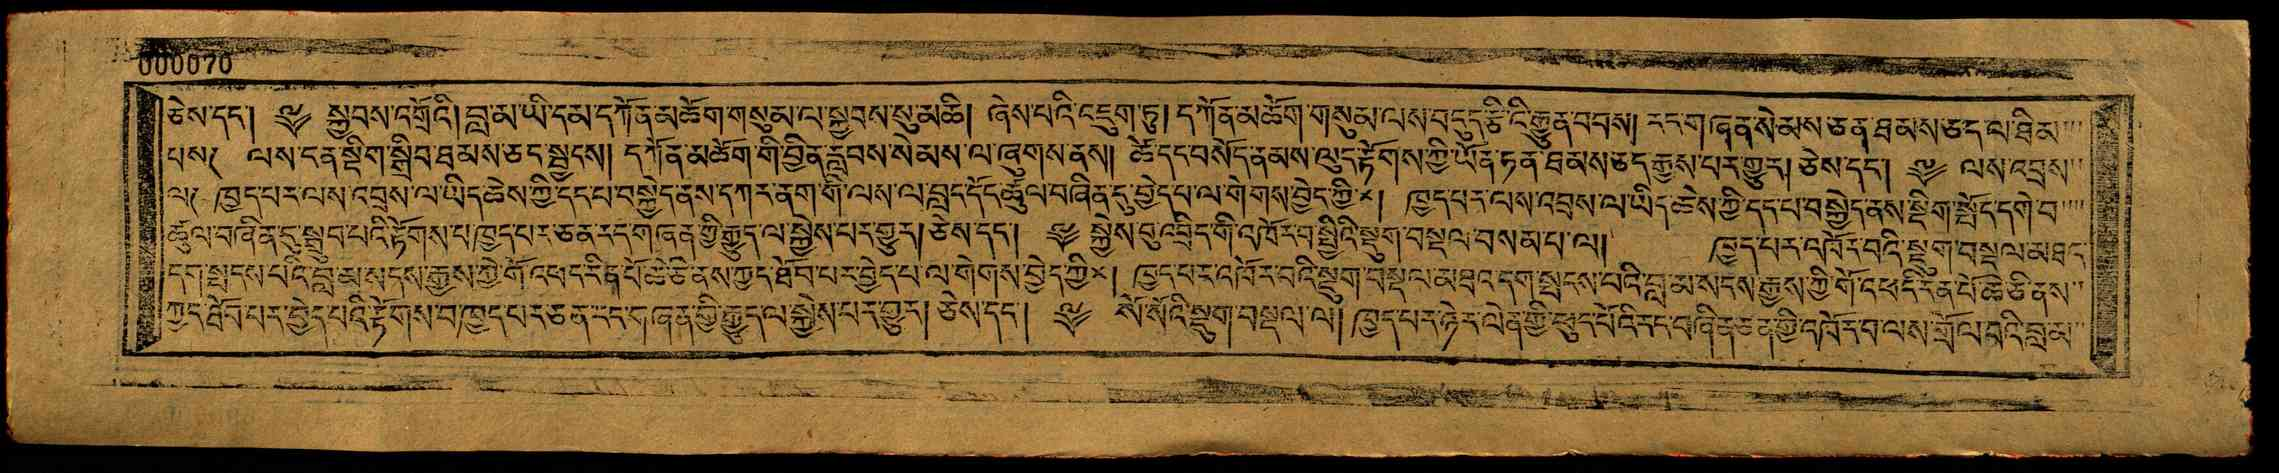ཅེས་དང་། ༈ སྐྱབས་འགྲོའི། བླ་མ་ཡི་དམ་དཀོན་མཆོག་གསུམ་ལ་སྐྱབས་སུ་མཆི། ཞེས་པའི་འཇུག་ཏུ། དཀོན་མཆོག་གསུམ་ལས་བདུད་རྩིའི་རྒྱུན་བབས། རང་གཞན་སེམས་ཅན་ཐམས་ཅད་ལ་ཐིམ་
པས། ལས་ངན་སྡིག་སྒྲིབ་ཐམས་ཅད་སྦྱངས། དཀོན་མཆོག་གི་བྱིན་རླབས་སེམས་ལ་ཞུགས་ནས། ཚེ་དང་བསོད་ནམས་ལུང་རྟོགས་ཀྱི་ཡོན་ཏན་ཐམས་ཅད་རྒྱས་པར་གྱུར། ཅེས་དང་། ༈ ལས་འབྲས་
ལ། ཁྱད་པར་ལས་འབྲས་ལ་ཡིད་ཆེས་ཀྱི་དད་པ་བསྐྱེད་ནས་དཀར་ནག་གི་ལས་ལ་བླང་དོར་ཚུལ་བཞིན་དུ་བྱེད་པ་ལ་གེགས་བྱེད་ཀྱི་྾། ཁྱད་པར་ལས་འབྲས་ལ་ཡིད་ཆེས་ཀྱི་དད་པ་བསྐྱེད་ནས་སྡིག་སྤོང་དགེ་བ་
ཚུལ་བཞིན་དུ་སྒྲུབ་པའི་རྟོགས་པ་ཁྱད་པར་ཅན་རང་གཞན་གྱི་རྒྱུད་ལ་སྐྱེས་པར་གྱུར། ཅེས་དང་། ༈ སྐྱེས་བུ་འབྲིང་གི་འཁོར་བ་སྤྱིའི་སྡུག་བསྔལ་བསམ་པ་ལ། ཁྱད་པར་འཁོར་བའི་སྡུག་བསྔལ་མཐའ་
དག་སྤངས་པའི་བླ་མ་སངས་རྒྱས་ཀྱི་གོ་འཕང་རིན་པོ་ཆེ་ཅི་ནས་ཀྱང་ཐོབ་པར་བྱེད་པ་ལ་གེགས་བྱེད་ཀྱི་྾། ཁྱད་པར་འཁོར་བའི་སྡུག་བསྔལ་མཐའ་དག་སྤངས་པའི་བླ་མ་སངས་རྒྱས་ཀྱི་གོ་འཕང་རིན་པོ་ཆེ་ཅི་ནས་
ཀྱང་ཐོབ་པར་བྱེད་པའི་རྟོགས་པ་ཁྱད་པར་ཅན་རང་གཞན་གྱི་རྒྱུད་ལ་སྐྱེས་པར་གྱུར། ཅེས་དང་། ༈ སོ་སོའི་སྡུག་བསྔལ་ལ། ཁྱད་པར་ཉེར་ལེན་གྱི་ཕུང་པོའི་རང་བཞིན་ཅན་གྱི་འཁོར་བ་ལས་གྲོལ་བའི་བླ་མ་